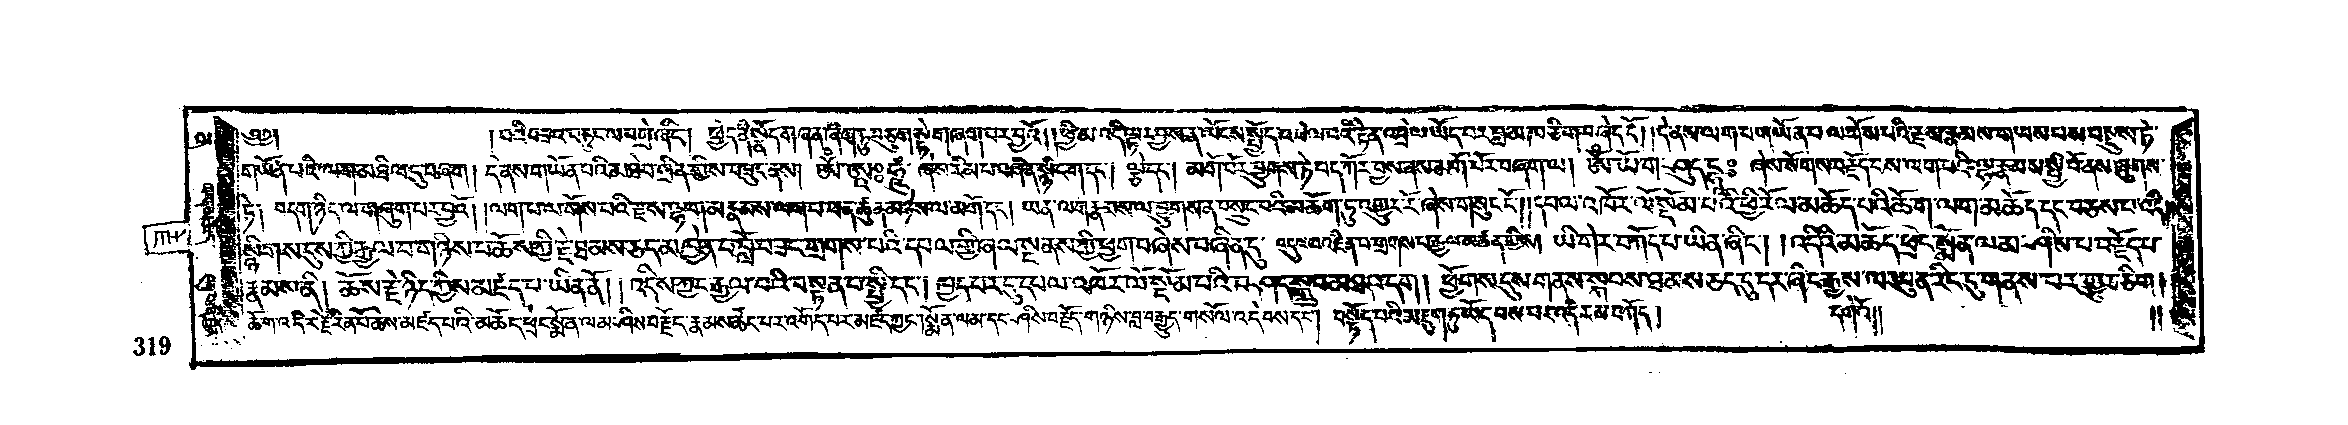༄༅། །བའི་བཟའ་བཏུང་ལ་བསྲེ་ཞིང་། ཕྱེད་ནི་སྣོད་གཞན་ཞིག་ཏུ་བཅུག་སྟེ་གཞག་པར་བྱའོ། །ཕྱི་མ་འདི་ལྟར་བྱས་ན་ལོངས་སྤྱོད་འཕེལ་བའི་རྟེན་འབྲེལ་ཡོད་པར་བླ་མ་ཁ་ཅིག་བཞེད་དོ། །དེ་ནས་ལག་པ་གཡོན་པ་ལ་གོས་པའི་རྫས་རྣམས་གཡས་པས་བསྡུས་ཏེ་
གཡོན་པའི་ལག་མཐིལ་དུ་བཞག །དེ་ནས་གཡོན་པའི་མཐེབ་སྲིན་གྱིས་བཟུང་ནས། ཨོཾ་ཨཱཿ ཧཱུཾ་ཞེས་རིམ་པ་བཞིན་སྙིང་ག་དང་། ལྕེ་དང་། མགོ་བོར་བྱུགས་ཏེ་པད་ཀོར་བྱས་ནས་མགོ་བོར་བཞག་ལ། ཨོཾ་ཡོ་ག་ཤུད་དྷཱཿ ཞེས་སོགས་བརྗོད་པས་ལག་པའི་ལྷ་རྣམས་སྤྱི་བོ་ནས་ཞུགས་
ཏེ། བདག་ཉིད་ལ་གཞུག་པར་བྱའོ། །ལག་པ་ལ་གོས་པའི་རྫས་ལྷག་མ་རྣམས་ལག་པ་ཕན་ཚུན་མཉེས་ལ་མགོ་དང་། ཡན་ལག་རྣམས་ལ་བྱུགས་ན་བསྲུང་བའི་མཆོག་ཏུ་འགྱུར་རོ་ཞེས་གསུང་ངོ། །དཔལ་འཁོར་ལོ་སྡོམ་པའི་ཕྱི་རོལ་མཆོད་པའི་ཆོ་ག་ལག་མཆོད་དང་བཅས་པ་འདི་
སྙིགས་དུས་ཀྱི་རྒྱལ་བ་གཉིས་པ་ཆོས་ཀྱི་རྗེ་ཐམས་ཅད་མཁེན་པ་བློ་བཟང་གྲགས་པའི་དཔལ་གྱི་ཞལ་སྔ་ནས་ཀྱི་ཕྱག་བཞེས་བཞིན་དུ་འབུལ་བ་འཛིན་པ་གྲགས་པ་རྒྱལ་མཚན་གྱིས། ཡི་གེར་བཀོད་པ་ཡིན་ཞིང་། །འདིའི་མཆོད་ཕྲེང་སྨོན་ལམ་ཤིས་པ་བརྗོད་པ་
རྣམས་ནི། ཆོས་རྗེ་ཉིད་ཀྱིས་མཛད་པ་ཡིན་ནོ། །འདིས་ཀྱང་རྒྱལ་བའི་བསྟན་པ་སྤྱིད་དང་། ཁཡད་པར་དུ་དཔལ་འཁོར་ལོ་སྡོམ་པའི་བཤད་སྒྲུབ་མཐའ་དག། ཕྱོགས་དུས་གནས་སྐབས་ཐམས་ཅད་དུ་དར་ཞིང་རྒྱས་ལ་ཡུན་རིང་དུ་གནས་པར་གྱུར་ཅིག།
ཆོག་?་འདིར་རྗེ་རིན་པོ་ཆེས་མཛད་པའི་ཆོས་ཕྲེད་སྨོན་ལམ་ཤེས་བརྗོད་རྣམས་ཚང་བར་འགོད་པར་མཛད་ཀྱང་། སྨོན་ལམ་དང་ཤིས་བརྗོད་གཉིས་བླ་བརྒྱུད་གསོལ་འདེབས་དང་། བསྟོད་པའི་འཇུག་ཏུ་ཡོད་པས་པར་འདིར་མ་བཀོད། །དགེའོ།